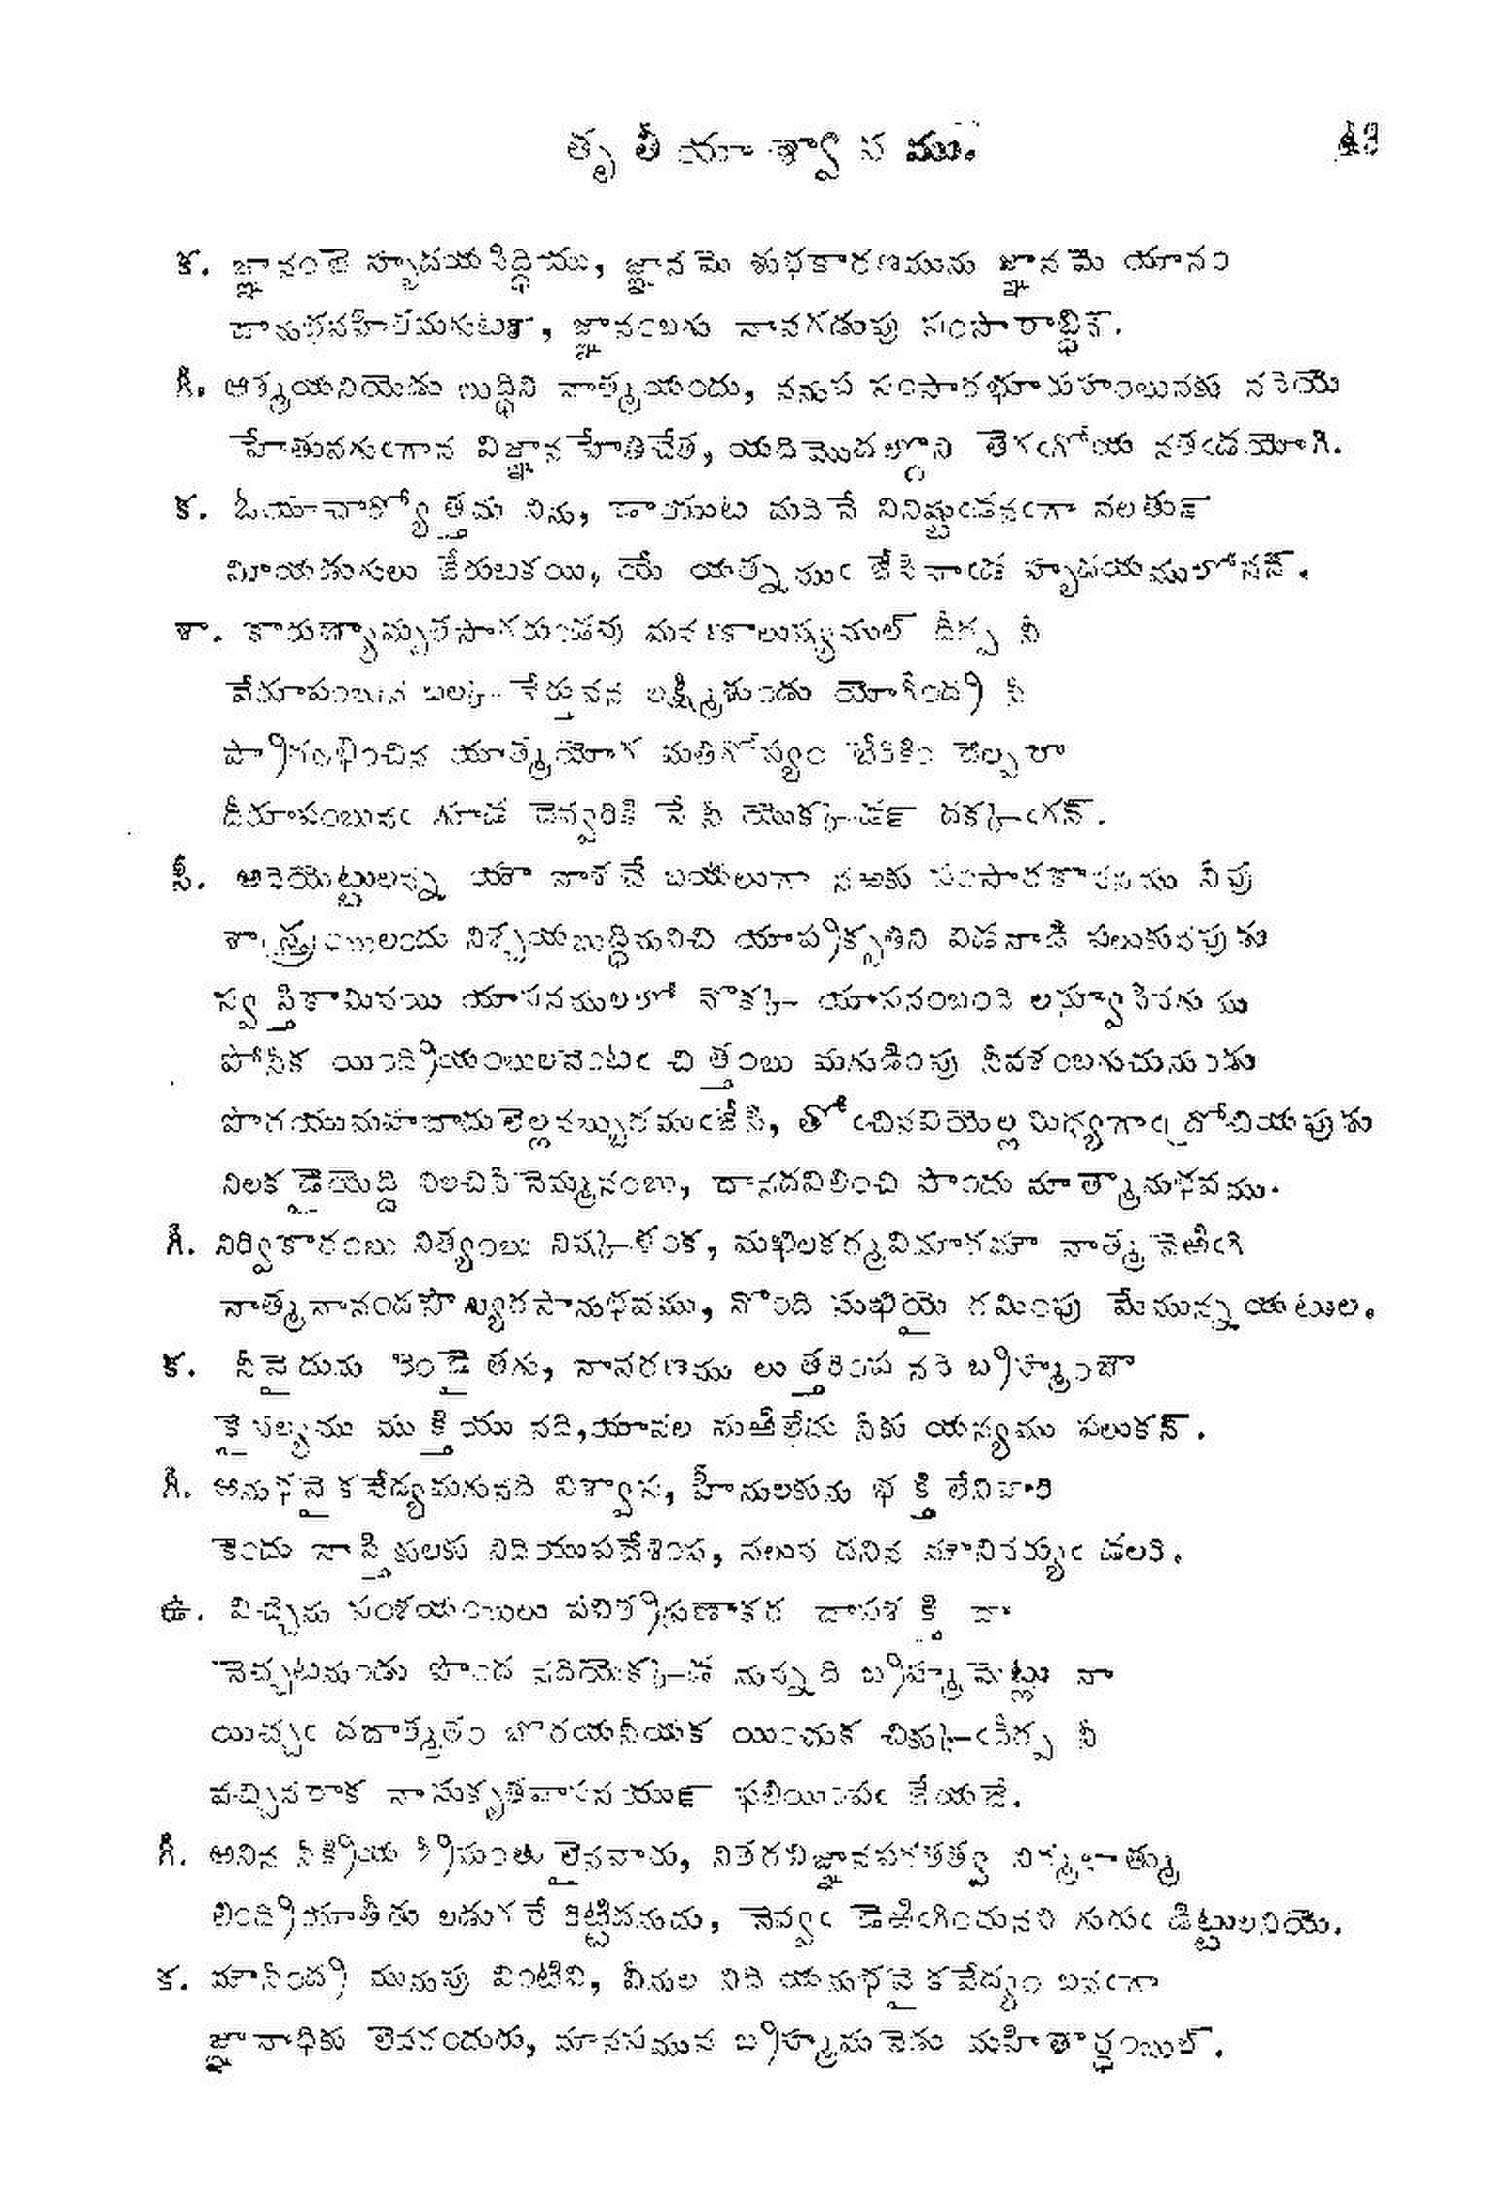క. జ్ఞానంబె హృదయసిద్ధయు, జ్ఞానమె శుభకారణమును జ్ఞానమె యానం
 దానుభవహితమగుటన్, జ్ఞానంబగు నావగడుపు సంసారాబ్ధిన్.
గీ. ఆత్మయనియెడు బుద్ధిని నాత్మయందు, ననుప సంసారభూరుహంబునకు నదియె
 హేతునగుఁగాన విజ్ఞానహేతిచేత , యది మొదల్గొని తెగఁగోయ నతఁడ యోగి.
క. ఓయాచార్యోత్తమ నిను, డాయుట మది నే నినిష్టుఁడనఁగా నలతున్
 మీయడుగులు జేరుటకయి, యే యత్నముఁ జేసినాఁడ హృదయములోనన్.
శా. కారుణ్యామృతసాగరుంవు మనఃకాలుష్యముల్ దీర్ప నీ
 వేరూపంబున బల్క నేర్తువన లక్ష్మీశుండు యోగీంద్ర నీ
 ప్రారంభించిన యాత్మయోగ మతిగోస్యం బేరికిం దెల్పరా
 దీరూపంబునఁ గూడ దెవ్వరికి నే నీ యొక్కడన్ దక్కఁగన్.
సీ. అదియెట్టులన్న యౌ నాశచే బయలుగా నఱకు సంసారకాననము నీవు
 శాస్త్రంబులందు నిశ్చయబుద్ధినునిచి యాప్రకృతిని విడనాడి పలుకునపుడు
 స్వస్తికామినయి యాసనములలో నొక్క యాసనంబంది లఘ్వాసివగుము
 పోనీక యింద్రియంబులవెంటఁ చిత్తంబు మగుడింపు నీవశంబగుచునుండు
 పొరయు మహదాదులెల్ల నబ్బురముఁజేసి, తోఁచినవియెల్ల మిథ్యగాఁ ద్రోచియపుడు
 నిలకడైయెద్ది నిలచి నీ నెమ్మనంబు, దానదవిలించి పొందు మాత్మానుభవము.
గీ. నిర్వికారంబు నిత్యంబు నిష్కళంక, మఖిలకర్మవిదూరమౌ నాత్మ నెఱిఁగి
 నాత్మ నానందసౌఖ్యరసానుభవము, నొంది సుఖియై రమింపు మేమున్నయటుల.
క. నీ వైదును రెండై తగు, నావరణము లుత్తరింప నది బ్రహ్మంబౌ
 కైవల్యము ముక్తియు నది, యావల మఱి లేదు నీకు యన్యము పలుకన్.
గీ. అనుభవైకవేద్య మగునది విశ్వాస, హీనులకును భక్తి లేనివారి
 కెందు నాస్తికులకు నిది యుపదేశింప, వలువ దనిన మౌనివర్యుఁ డలరి.
ఉ. విచ్చెను సంశయంబులు పవిత్రగుణాకర దాపశక్తి దా
 నెచ్చటనుండు పొంద నది యెక్కడ నున్నది బ్రహ్మ మెట్లు నా
 యిచ్చఁ దదాత్మతం బొరయనీయక యించుక చిక్కుఁదీర్ప నీ
 వచ్చినరాక నా సుకృతవాసనయున్ ఫలియింపఁ జేయదే.
గీ. అనిన నీక్రియ శ్రీమంతులైనవారు, నితరవిజ్ఞానపరతత్వ నిర్మలాత్యు
 లింద్రియీతీతప లడుగరే రిట్టిదనుచు, నెవ్వఁ డెఱిగించునని గురుఁ డిట్టులనియె.
క. మౌనీంద్ర మునుపు వింటివి, వీనుల నిది యనుభవైకవేద్యం బనఁగా
 జ్ఞానాధికు లెవరందురు, మానసమున బ్రహ్మమనెడు మహితార్థంబుల్.